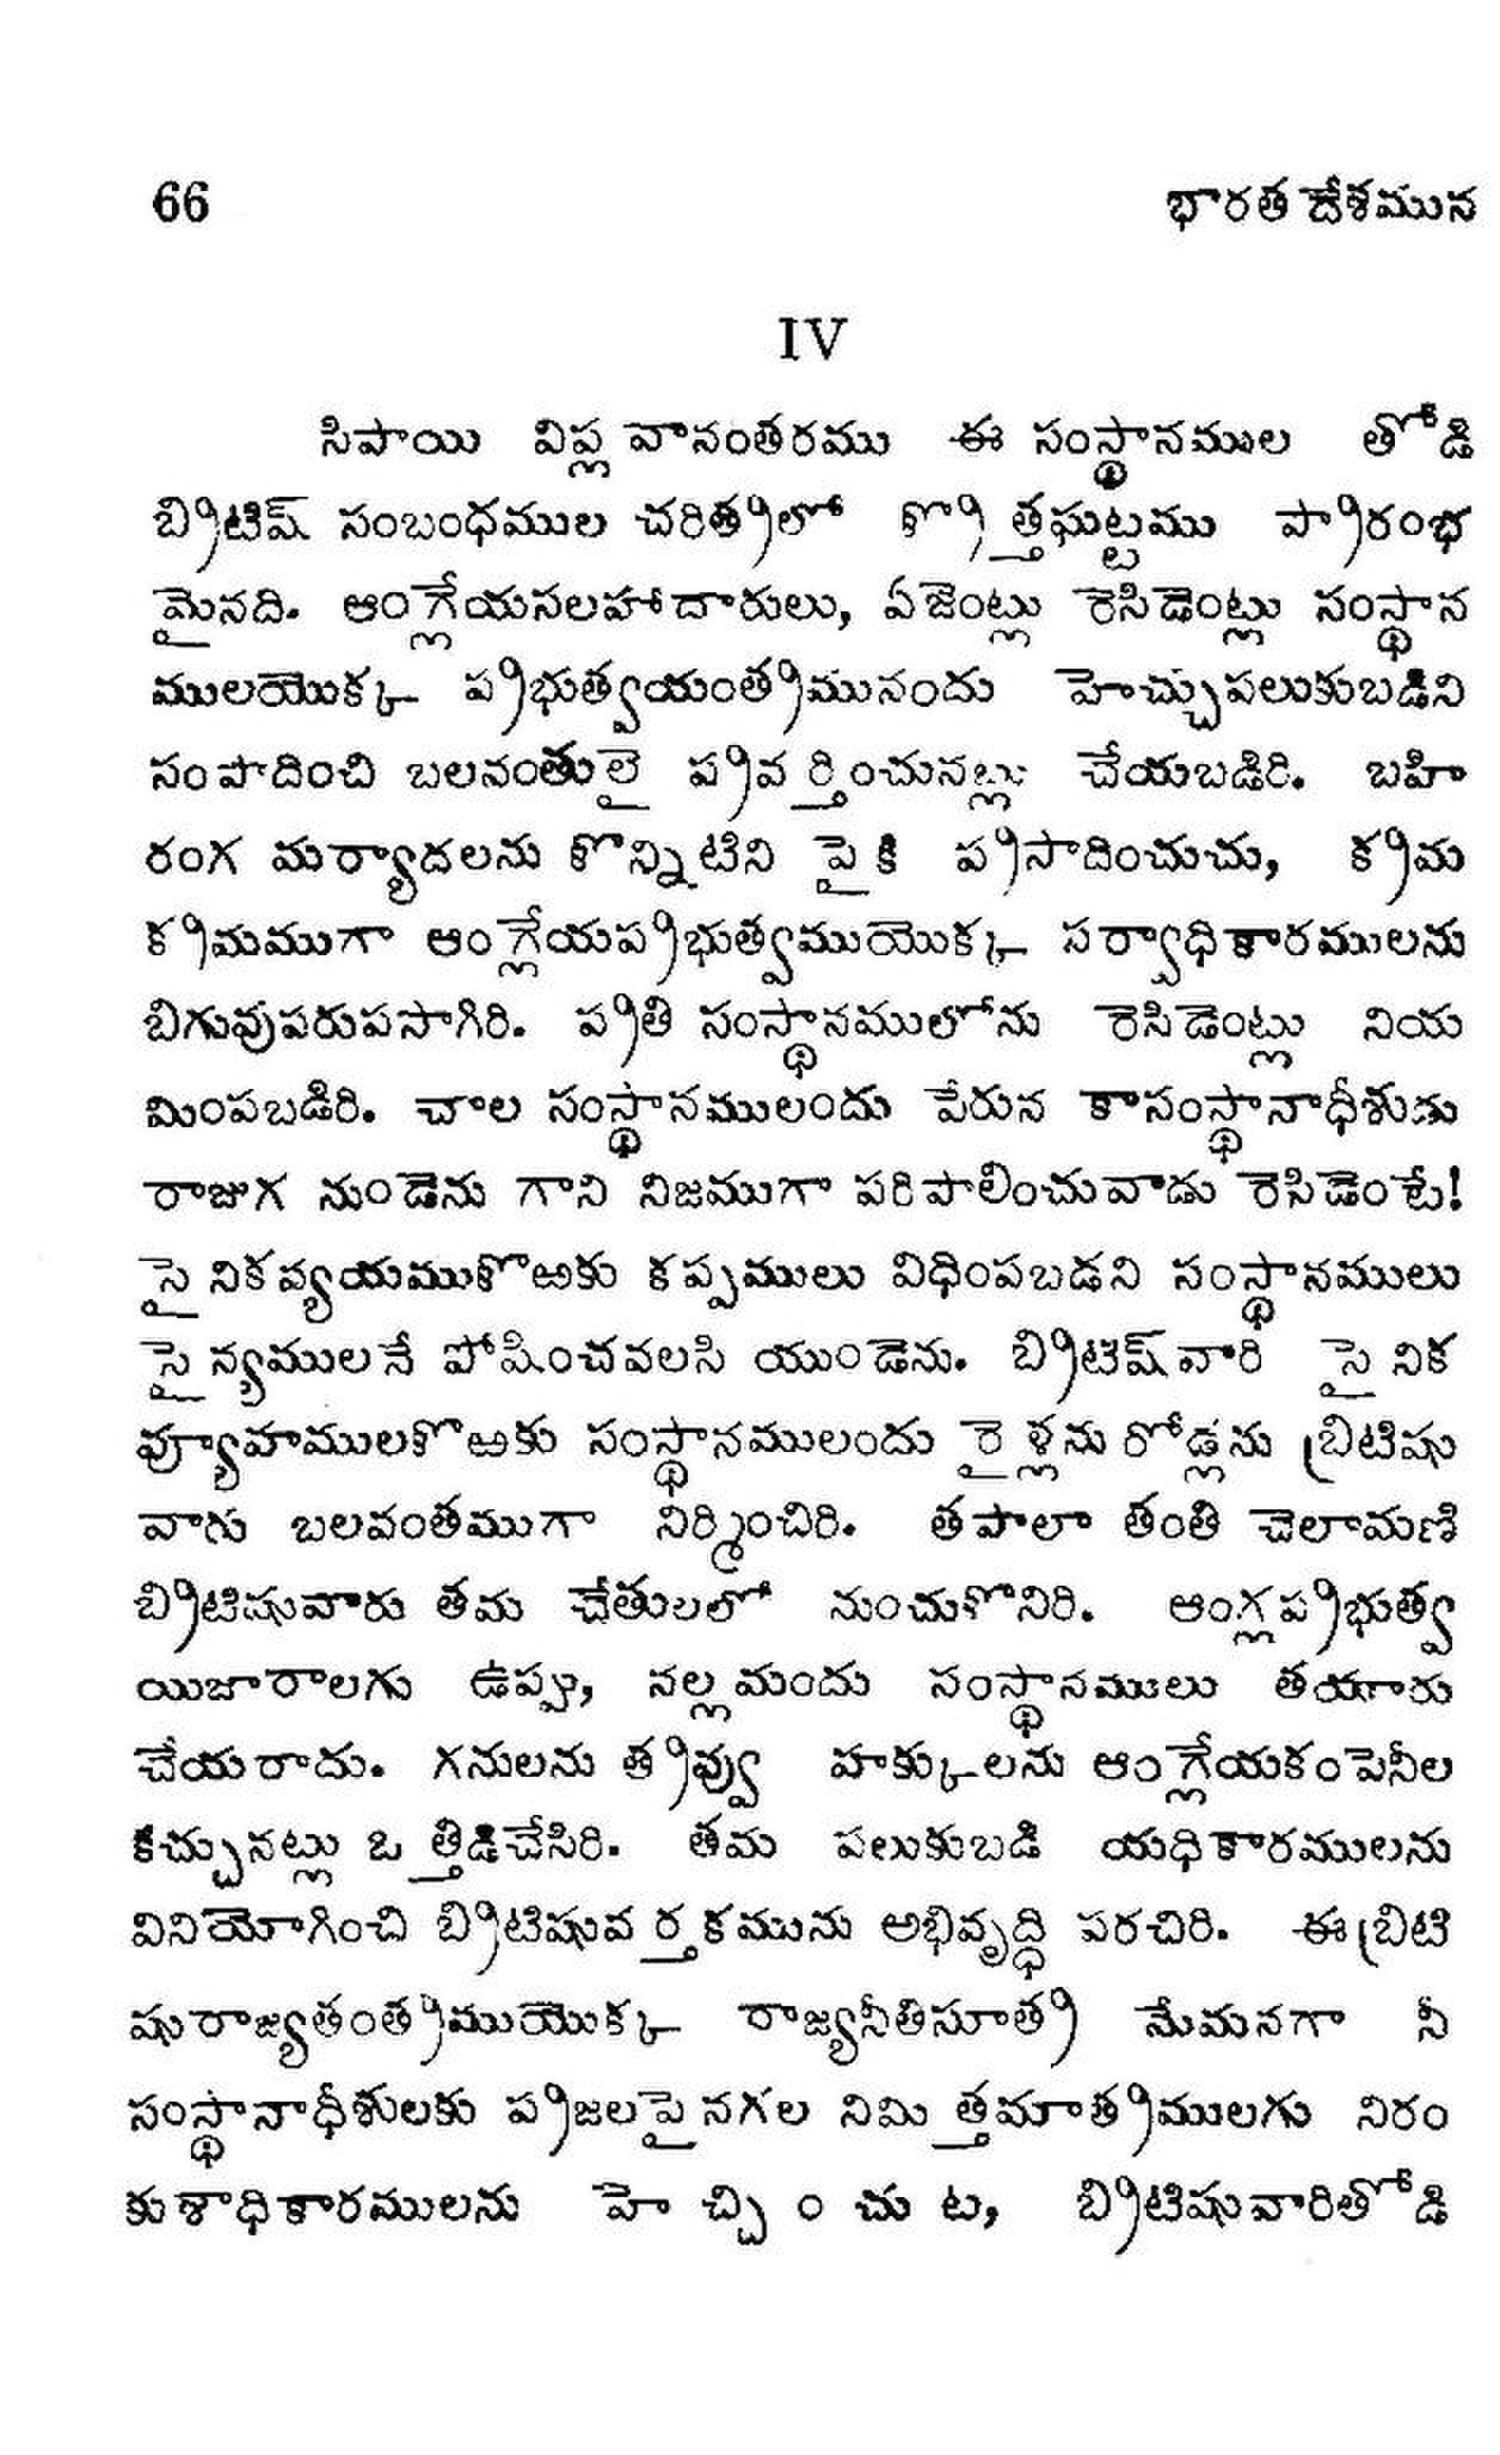IV 

సిపాయి విప్లవానంతరము ఈ సంస్థానముల తోడి బ్రిటిష్ సంబంధముల చరిత్రలో క్రొత్తఘట్టము ప్రారంభమైనది. ఆంగ్లేయసలహాదారులు, ఏజెంట్లు రెసిడెంట్లు సంస్థానములయొక్క ప్రభుత్వయంత్రమునందు హెచ్చుపలుకుబడిని సంపాదించి బలవంతులై ప్రవర్తించునట్లు చేయబడిరి. బహిరంగ మర్యాదలను కొన్నిటిని పైకి ప్రసాదించుచు, క్రమక్రమముగా ఆంగ్లేయప్రభుత్వముయొక్క సర్వాధికారములను బిగువుపరుపసాగిరి. ప్రతి సంస్థానములోను రెసిడెంట్లు నియమింపబడిరి. చాల సంస్థానములందు పేరున కాసంస్థానాధీశుడు రాజుగ నుండెను గాని నిజముగా పరిపాలించువాడు రెసిడెంటే! సైనికవ్యయముకొఱకు కప్పములు విధింపబడని సంస్థానములు సైన్యములనే పోషించవలసి యుండెను. బ్రిటిష్ వారి సైనిక వ్యూహములకొఱకు సంస్థానములందు రైళ్లను రోడ్లను బ్రిటిషువారు బలవంతముగా నిర్మించిరి. తపాలా తంతి చెలామణి బ్రిటిషువారు తమ చేతులలో నుంచుకొనిరి. ఆంగ్లప్రభుత్వ యిజారాలగు ఉప్పు, నల్లమందు సంస్థానములు తయారు చేయరాదు. గనులను త్రవ్వు హక్కులను ఆంగ్లేయకంపెనీల కిచ్చునట్లు ఒత్తిడిచేసిరి. తమ పలుకుబడి యధికారములను వినియోగించి బ్రిటిషువర్తకమును అభివృద్ధి పరచిరి. ఈబ్రిటిషురాజ్యతంత్రముయొక్క రాజ్యనీతిసూత్ర మేమనగా నీ సంస్థానాధీశులకు ప్రజలపైనగల నిమిత్తమాత్రములగు నిరంకుశాధికారములను హెచ్చించుట, బ్రిటిషువారితోడి